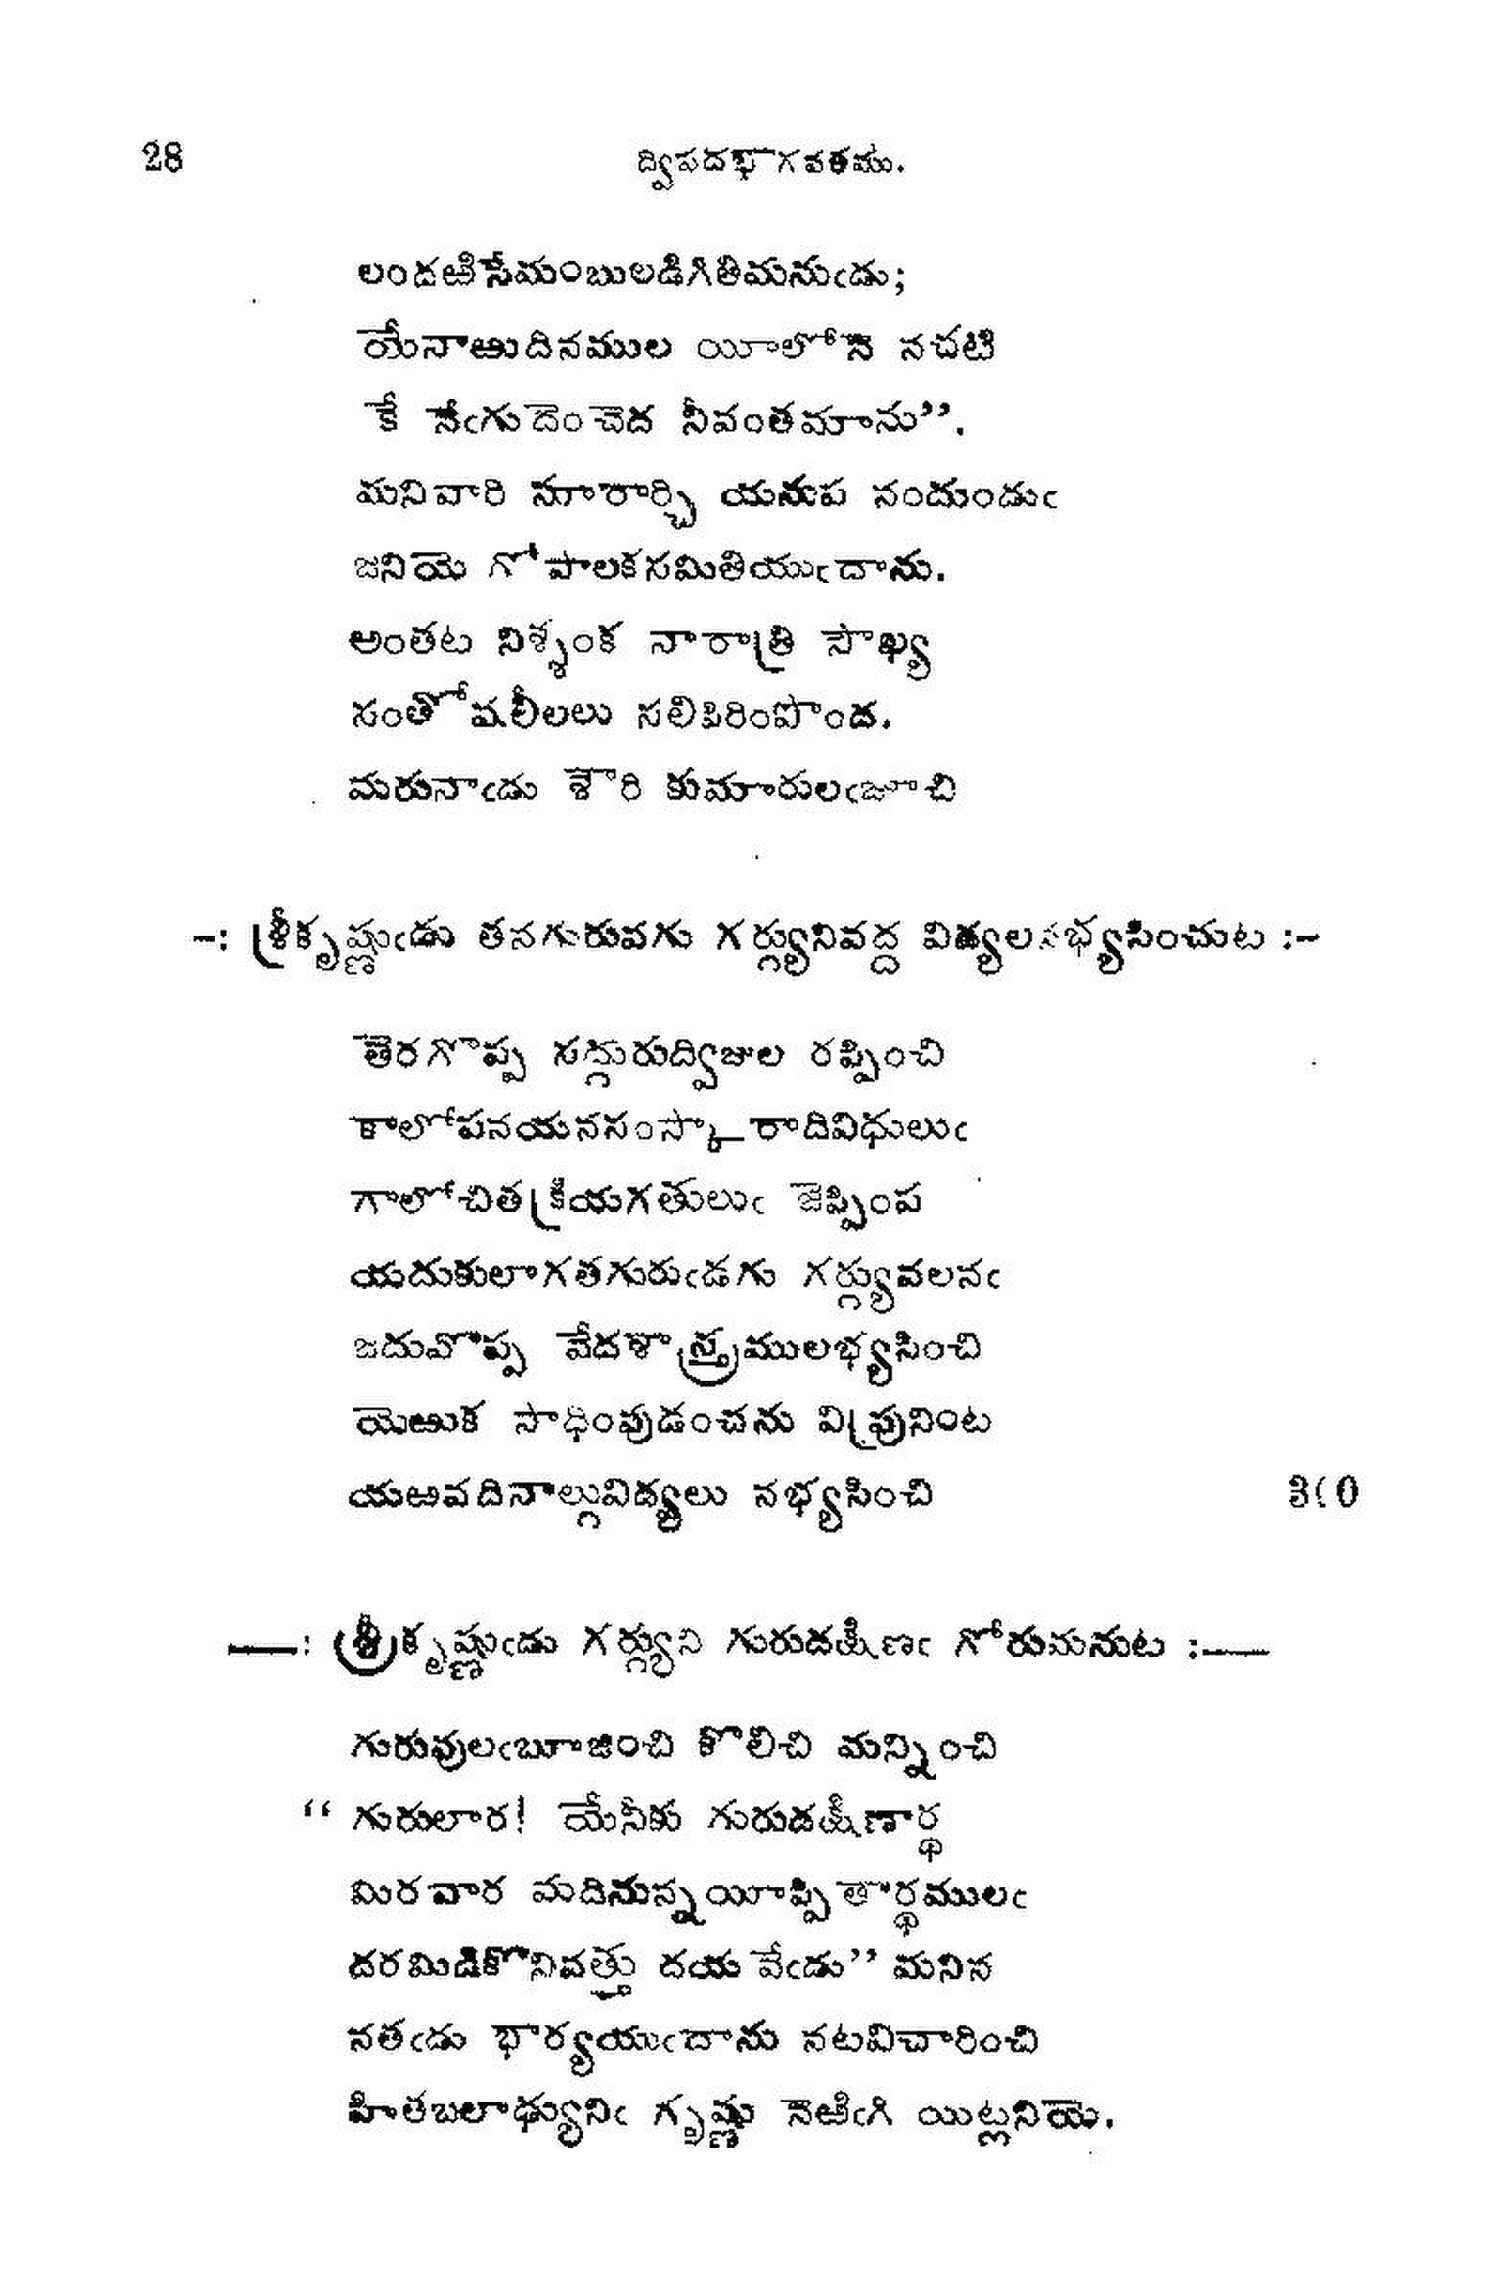లందఱిసేమంబు లడిగితిమనుఁడు;
యేనాఱుదినముల యీలోనె నచటి
కే నేగుదెంచెద నీవంతమాను”.
మని వారి నూరార్చి యనుప నందుండుఁ
జనియె గోపాలకసమితియుఁ దాను.
అంతట నిశ్శంక నారాత్రి సౌఖ్య
సంతోషలీలలు సలిపి రింపొంద.
మరునాఁడు శౌరి కుమారులఁ జూచి

తెరగొప్ప సద్గురుద్విజుల రప్పించి
కాలోపనయనసంస్కారాదివిధులు
గాలోచితక్రియగతులుఁ జెప్పింప
యదుకులాగతగురుఁడగు గర్గ్యువలనఁ
జదువొప్ప వేదశాస్త్రము లభ్యసించి
యెఱుక సాధింపుడంచను విప్రునింట
యఱవదినాల్గువిద్యలు నభ్యసించి

గురువులఁ బూజించి కొలిచి మన్నించి
“గురులార! యేనీకు గురుడక్షిణార్థ
మిరవార మదినున్న యీప్పితార్థములఁ
దరమిడికొనివత్తు దయ వేఁడు” మనిన
నతఁడు భార్యయుఁ దాను నటవిచారించి
హితబలాఢ్యునిఁ గృష్ణు నెఱిఁగి యిట్లనియె.